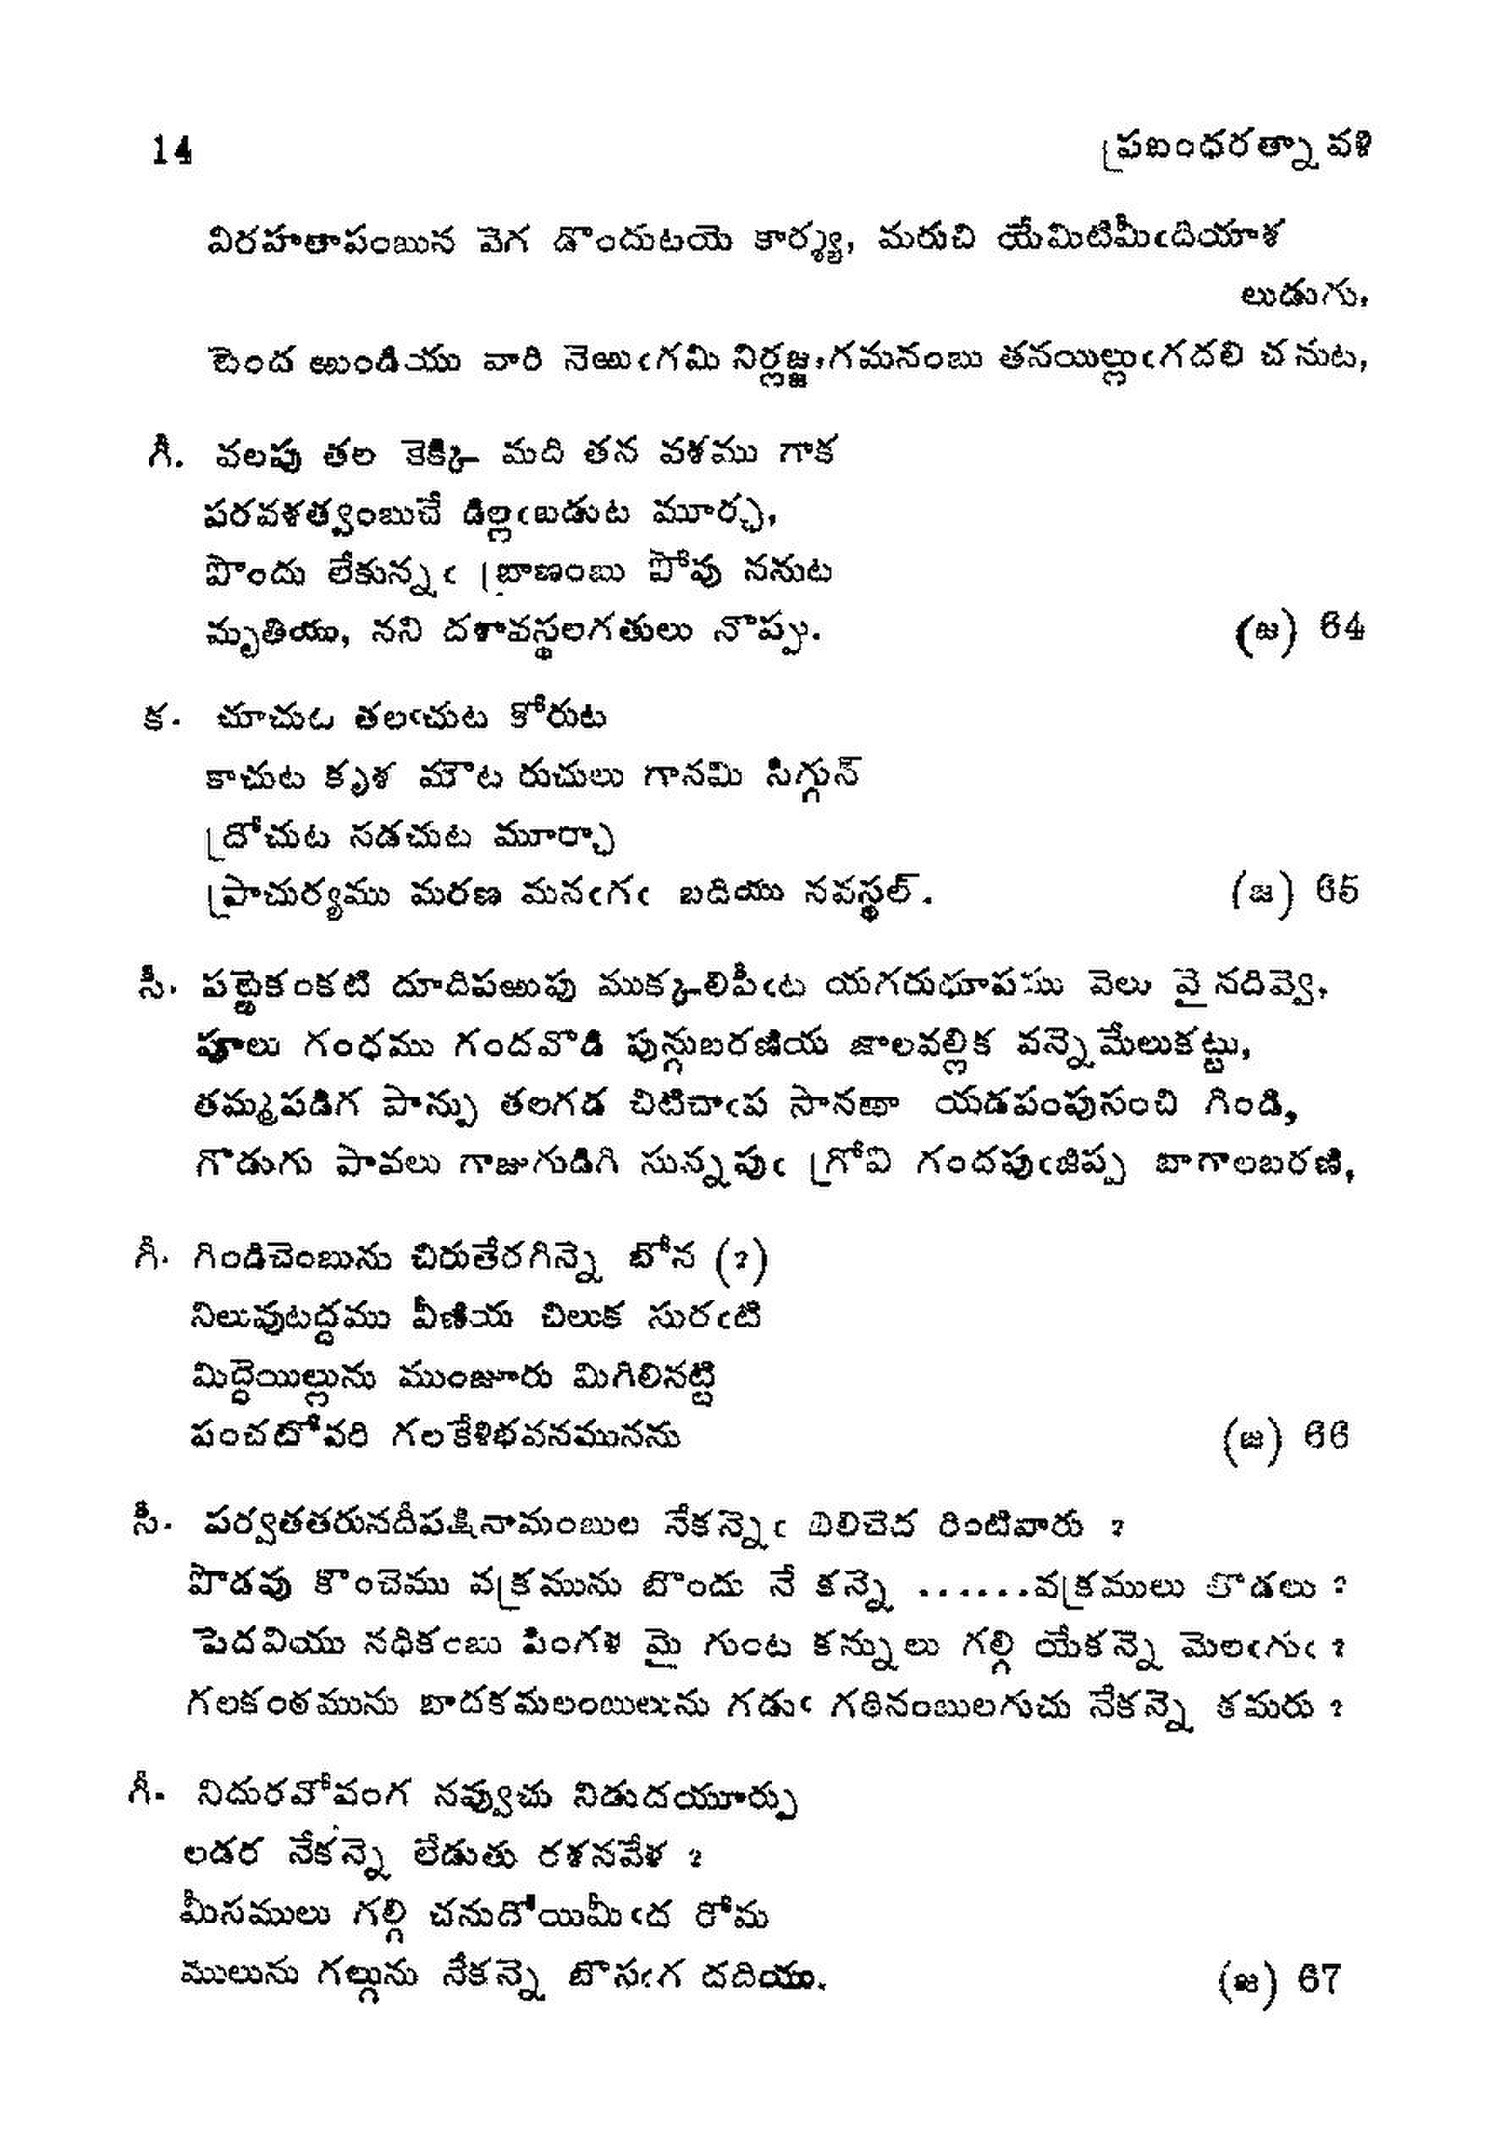విరహతాపంబున వెగ డొందుటయె కార్శ్య, మరుచి యేమిటిమీఁదియాశ లుడుగు,
టెంద ఱుండియు వారి నెఱుఁగమి నిర్లజ్జ, గమనంబు తనయిల్లుఁ గదలి చనుట,
గీ. వలపు తల కెక్కి మది తన వశము గాక
పరవశత్వంబుచే డిల్లఁబడుట మూర్ఛ,
పొందు లేకున్నఁ బ్రాణంబు పోవు ననుట
మృతియు, నని దశావస్థలగతులు నొప్పు. (జ) 64

క. చూచుట తలఁచుట కోరుట
కాచుట కృశ మౌట రుచులు గానమి సిగ్గున్
ద్రోచుట నడచుట మూర్ఛా
ప్రాచుర్యము మరణ మనఁగఁ బదియు నవస్థల్. (జ) 65

సీ. పట్టెకంకటి దూదిపఱుపు ముక్కలిపీఁట యగరుధూపము వెలు వైనదివ్వె,
పూలు గంధము గందవొడి పున్గుబరణియ జాలవల్లిక వన్నెమేలుకట్టు,
తమ్మపడిగ పాన్పు తలగడ చిటిచాఁప పానఱా యడపంపుసంచి గిండి
గొడుగు పావలు గాజుగుడిగి సున్నపుఁగ్రోవి గందపుఁజిప్పు బాగాలబరణి,
గీ. గిండిచెంబును చిరుతేరగిన్నె బోన[?]
నిలువుటద్దము వీణియ చిలుక సురఁటి
మిద్దెయిల్లును ముంజూరు మిగిలినట్టి
పంచటోవరి గల కేళిభవనమునను. (జ) 66

సీ. పర్వతతరునదీపక్షినామంబుల నేకన్నెఁ బిలిచెద రింటివారు?
పొడవు కొంచెము వక్రమును బొందు నేకన్నె ................ వక్రములు తొడలు?
పెదవియు నధికంబు పింగళ మై గుంట కన్నులు గల్గి యేకన్నె మెలఁగుఁ?
గలకంఠమును బాదకమలంబులును గడుఁ గఠినంబులగుచు నేకన్నె కమరు?
గీ. నిదురవోవంగ నవ్వుచు నిడుదయూర్పు
లడర నేకన్నె లేడుతు రశనవేళ?
మీసములు గల్గి చనుదోయిమీఁద రోమ
ములును గల్గును నేకన్నె బొసఁగ దదియు. (జ) 67